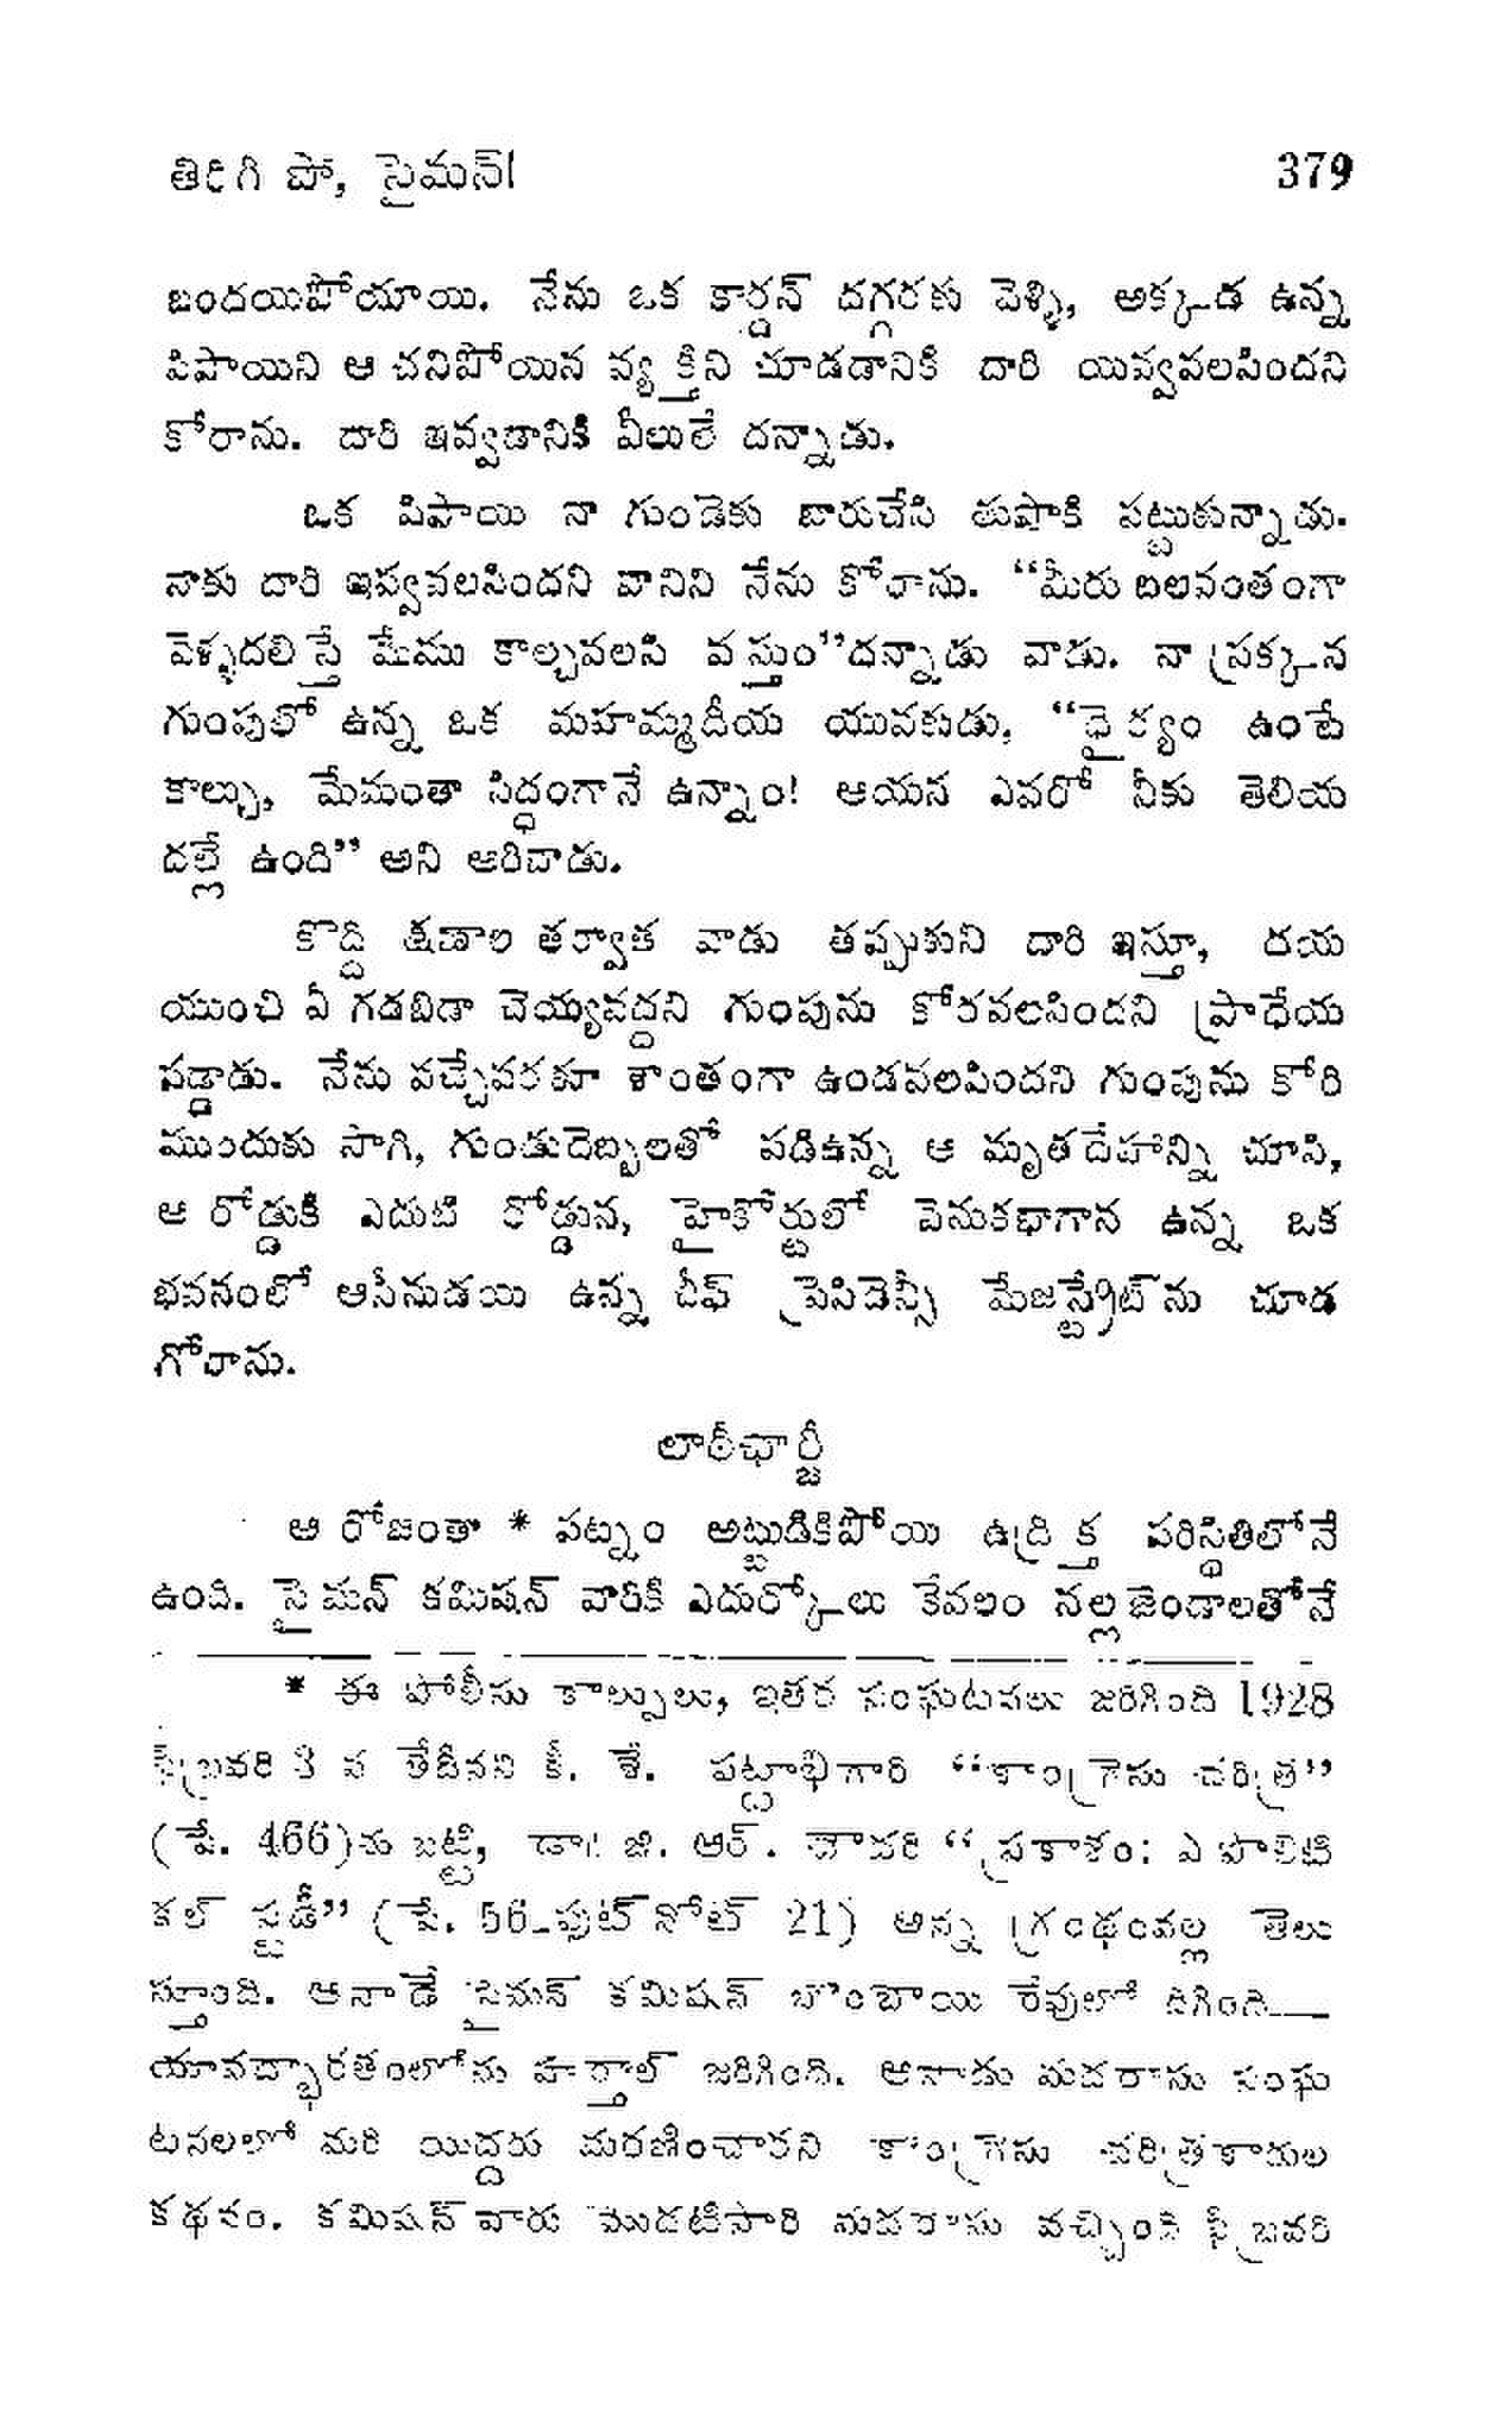బందయిపోయాయి. నేను ఒక కార్డన్ దగ్గరకు వెళ్ళి, అక్కడ ఉన్న సిపాయిని ఆ చనిపోయిన వ్యక్తిని చూడడానికి దారి యివ్వవలసిందని కోరాను. దారి ఇవ్వడానికి వీలులే దన్నాడు.

ఒక సిపాయి నా గుండెకు బారుచేసి తుపాకి పట్టుకున్నాడు. నాకు దారి ఇవ్వవలసిందని వానిని నేను కోరాను. "మీరు బలవంతంగా వెళ్ళదలిస్తే మేము కాల్చవలసి వస్తుం"దన్నాడు వాడు. నా ప్రక్కన గుంపులో ఉన్న ఒక మహమ్మదీయ యువకుడు, "ధైర్యం ఉంటే కాల్చు, మేమంతా సిద్ధంగానే ఉన్నాం! ఆయన ఎవరో నీకు తెలియదల్లే ఉంది" అని అరిచాడు.

కొద్ది క్షణాల తర్వాత వాడు తప్పుకుని దారి ఇస్తూ, దయయుంచి ఏ గడబిడా చెయ్యవద్దని గుంపును కోరవలసిందని ప్రాధేయపడ్డాడు. నేను వచ్చేవరకూ శాంతంగా ఉండవలసిందని గుంపును కోరి ముందుకు సాగి, గుండుదెబ్బలతో పడిఉన్న ఆ మృతదేహాన్ని చూసి, ఆ రోడ్డుకి ఎదుటి రోడ్డున, హైకోర్టులో వెనుకభాగాన ఉన్న ఒక భవనంలో ఆసీనుడయి ఉన్న చీఫ్ ప్రెసిడెన్సీ మేజస్ట్రేట్‌ను చూడగోరాను.

ఆ రోజంతా పట్నం అట్టుడికిపోయి ఉద్రిక్త పరిస్థితిలోనే ఉంది. సైమన్ కమిషన్ వారికి ఎదుర్కోలు కేవలం నల్లజెండాలతోనే